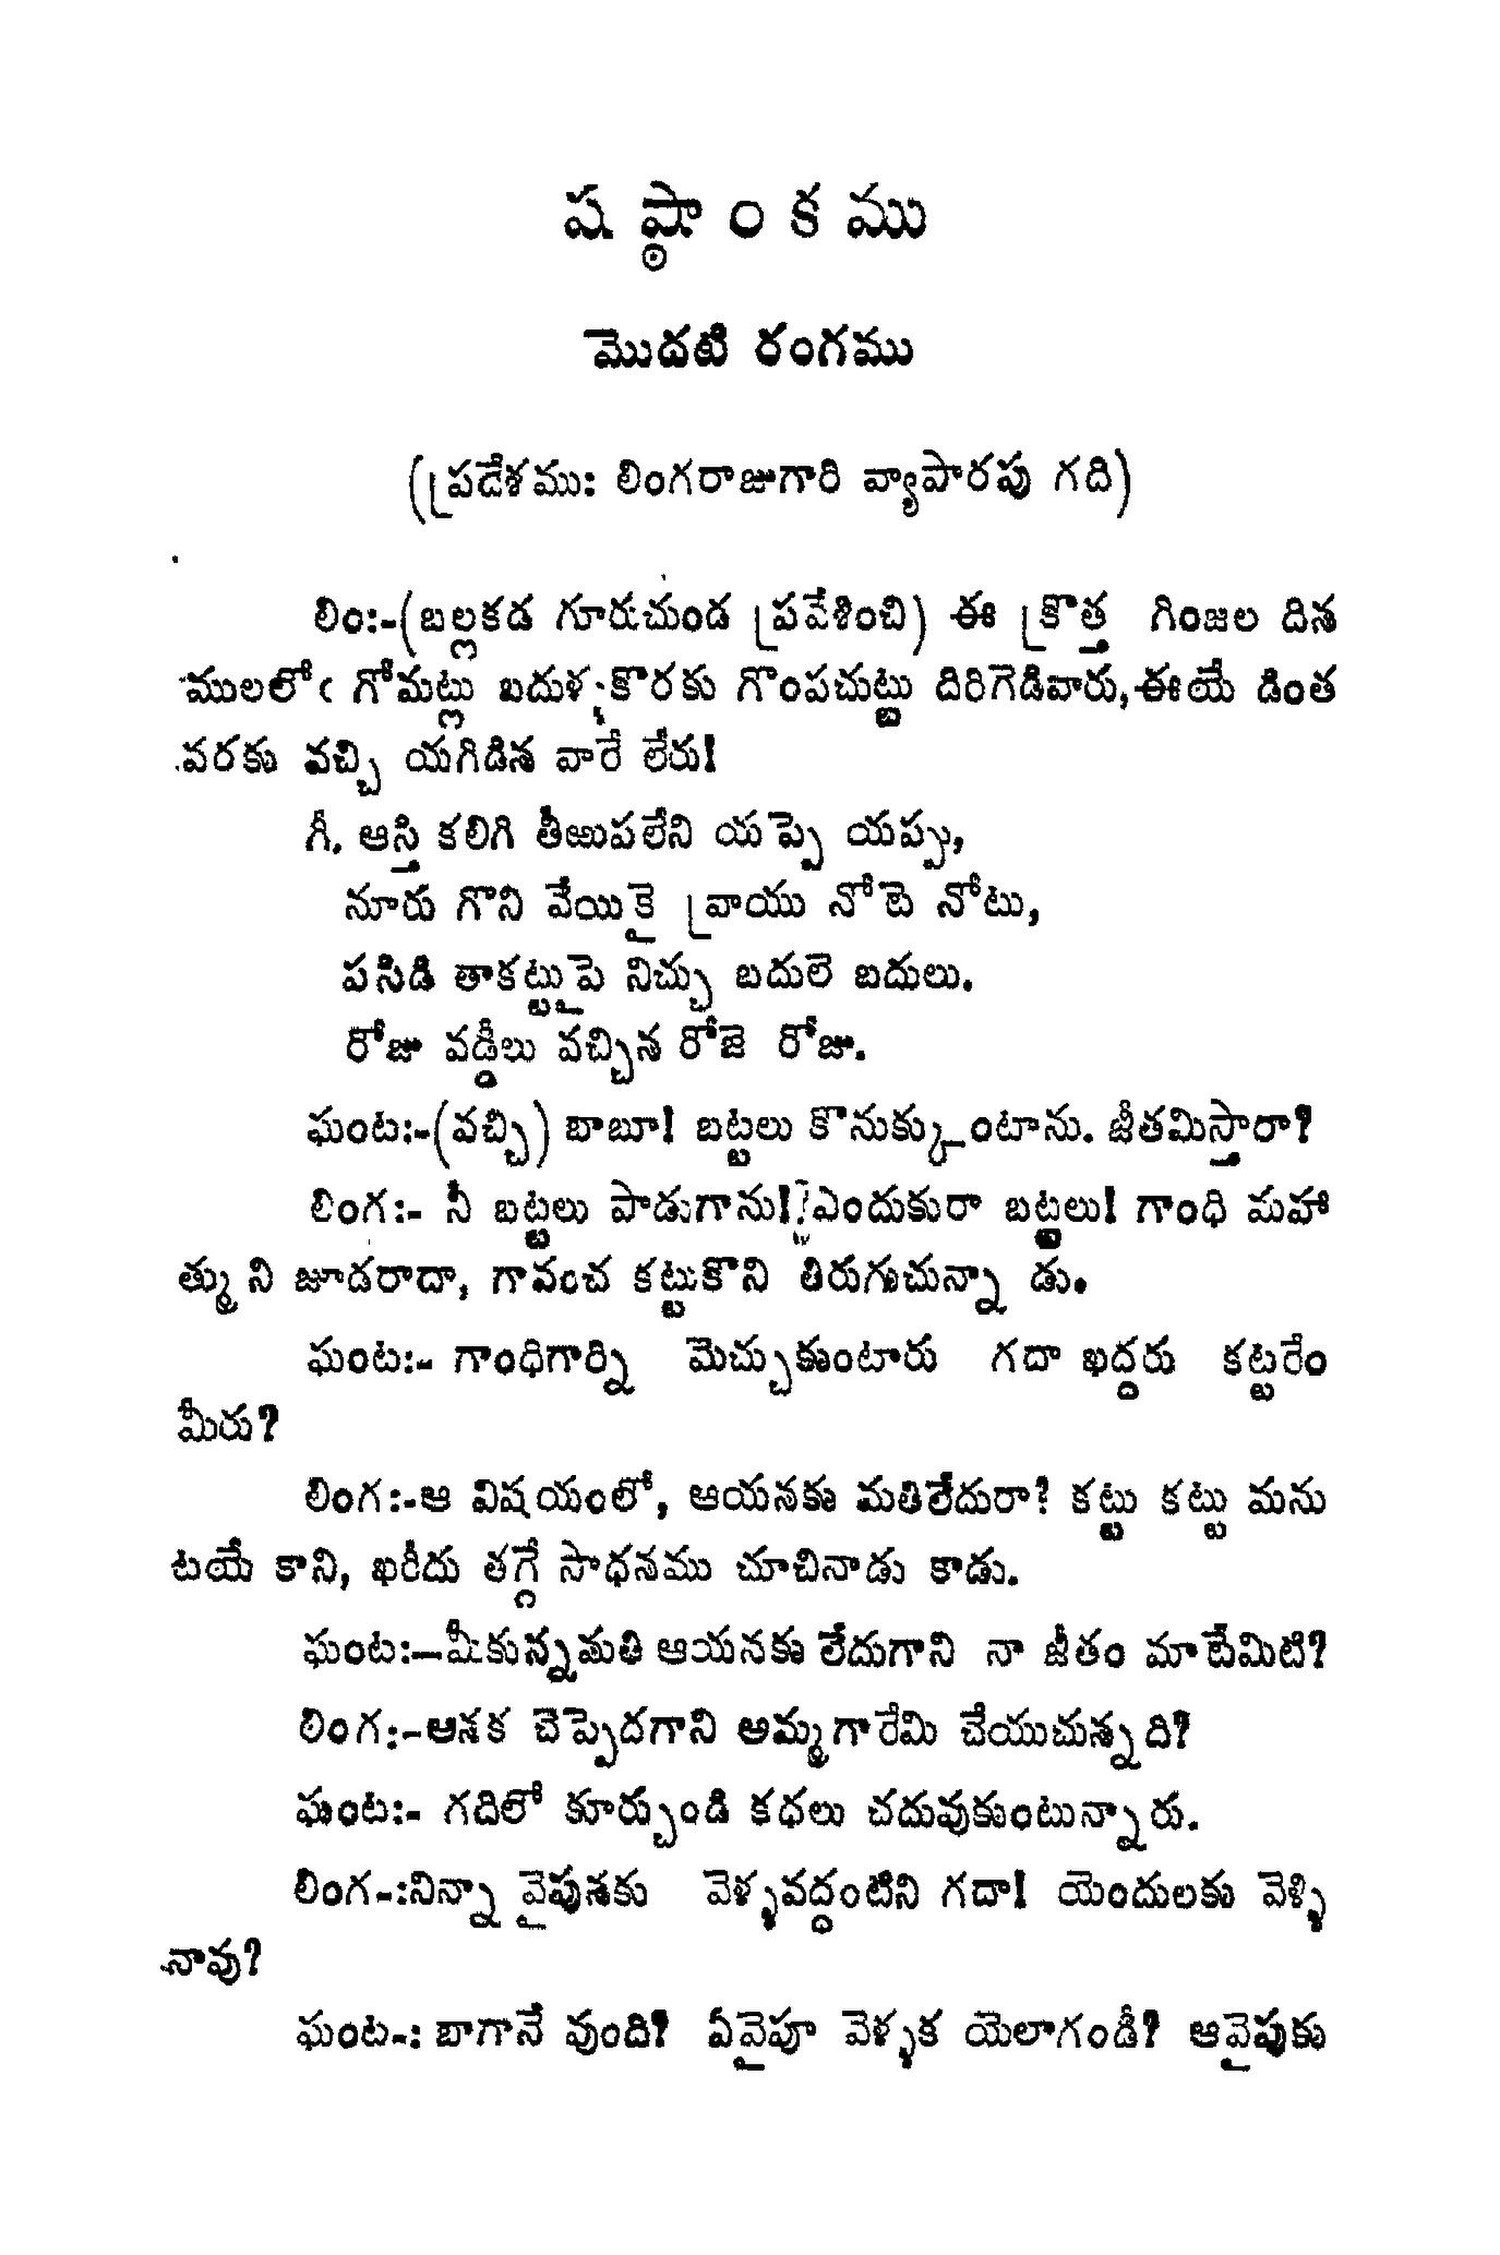షష్ఠాంకము 
మొదటి రంగము

లింగ :- (బల్లకడ గూరుచుండ ప్రవేశించి) ఈ క్రొత్త గింజల దినములలోఁ గోమట్లు బదుళ్ళకొరకుఁ గొంపచుట్టు దిరిగెడివారు. ఈయేఁ డింతవరకు వచ్చి యడిగిన వారే లేరు!

గీ. ఆస్తి కలిగి తీఱుపలేని యప్పె యప్పు,
 నూరు గొని వేయికై వ్రాయు నోటె నోటు,
 పసిడి తాకట్టుపై నిచ్చు బదులె బదులు,
 రోజు వడ్డీలు వచ్చిన రోజె రోజు.
ఘంట :- (వచ్చి) బాబూ! బట్టలు కొనుక్కుంటాను. జీతమిస్తారా?

లింగ :- నీ బట్టలు పాడుగాను! ఎందుకురా బట్టలు! గాంధి మహాత్ముని జూడరాదా, గావంచా కట్టుకొని తిరుగుచున్నాడు.

ఘంట :- గాంధిగార్ని మెచ్చుకుంటారు గదా ఖద్దరు కట్టరేం మీరు?

లింగ :- ఆవిషయములో, ఆయనకు మతిలేదురా! కట్టు కట్టు మనుటయే కాని, ఖరీదు తగ్గే సాధనము చూచినాడు కాడు.

ఘంట :- మీకున్నమతి ఆయనకు లేదుగాని నాజీతం మాటేమిటి?

లింగ :- ఆనక చెప్పెదగాని అమ్మగారేమి చేయుచున్నది?

ఘంట :- గదిలో కూర్చుండి కథలు చదువుకుంటున్నారు.

లింగ :- నిన్నా వైపునకు వెళ్ళవద్దంటిని గదా యెందులకు వెళ్ళినావు?

ఘంట :- బాగానే వుంది! యేవైపూ వెళ్ళక యెల్లాగండీ? ఆవైపుకు